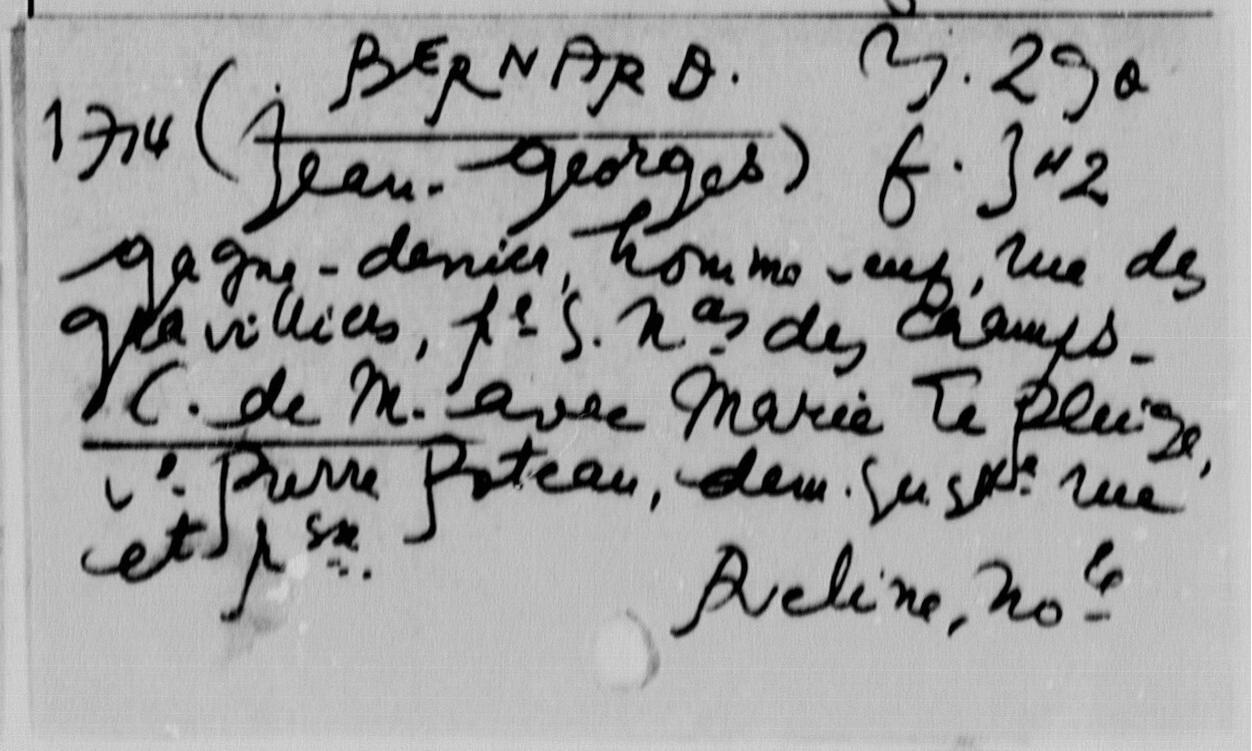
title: BERNARD (Jean-Georges)
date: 1714
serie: Y
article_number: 290
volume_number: folio 342
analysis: Gagne-denier, homme veuf, rue des Gravilliers, paroisse Saint-Nicolas des Champs. Contrat de mariage avec Marie Le Pleige, veuve Pierre Poteau, demeurant susdites rue et paroisse. Aveline, notaire.
